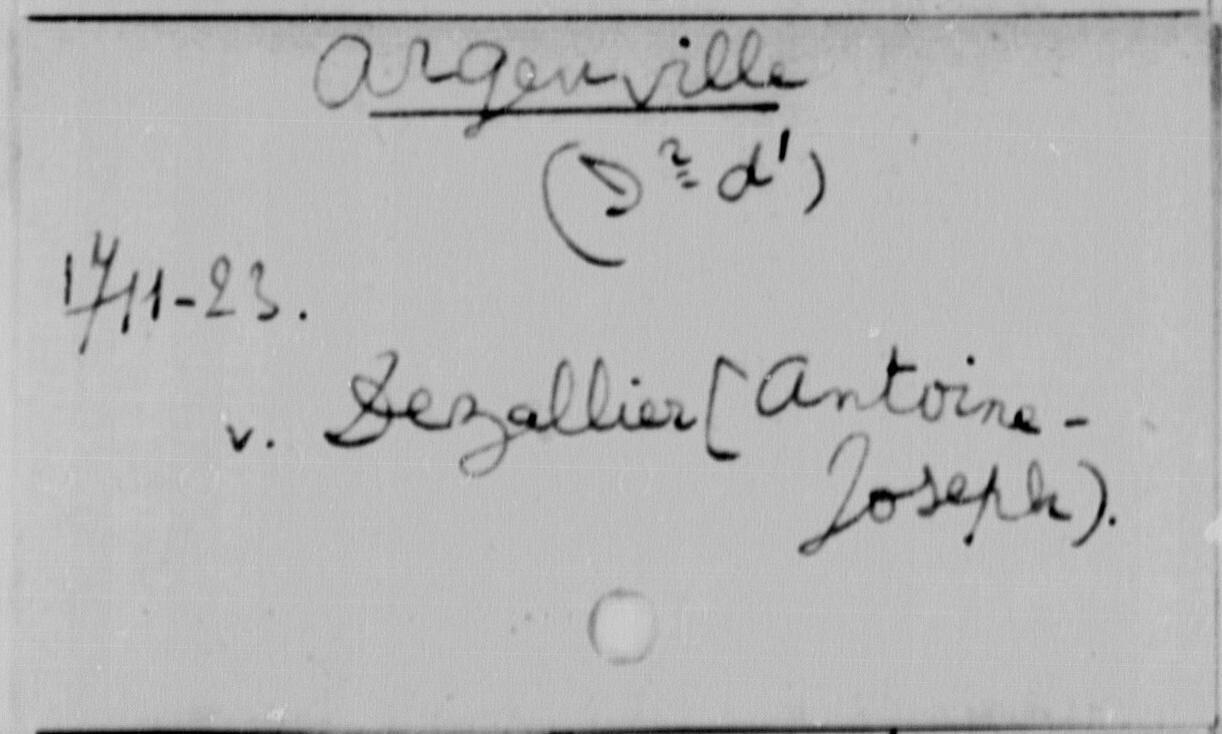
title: ARGENVILLE (d. d')
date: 1711-1723
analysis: Voir DEZALLIER (Antoine-Joseph)
